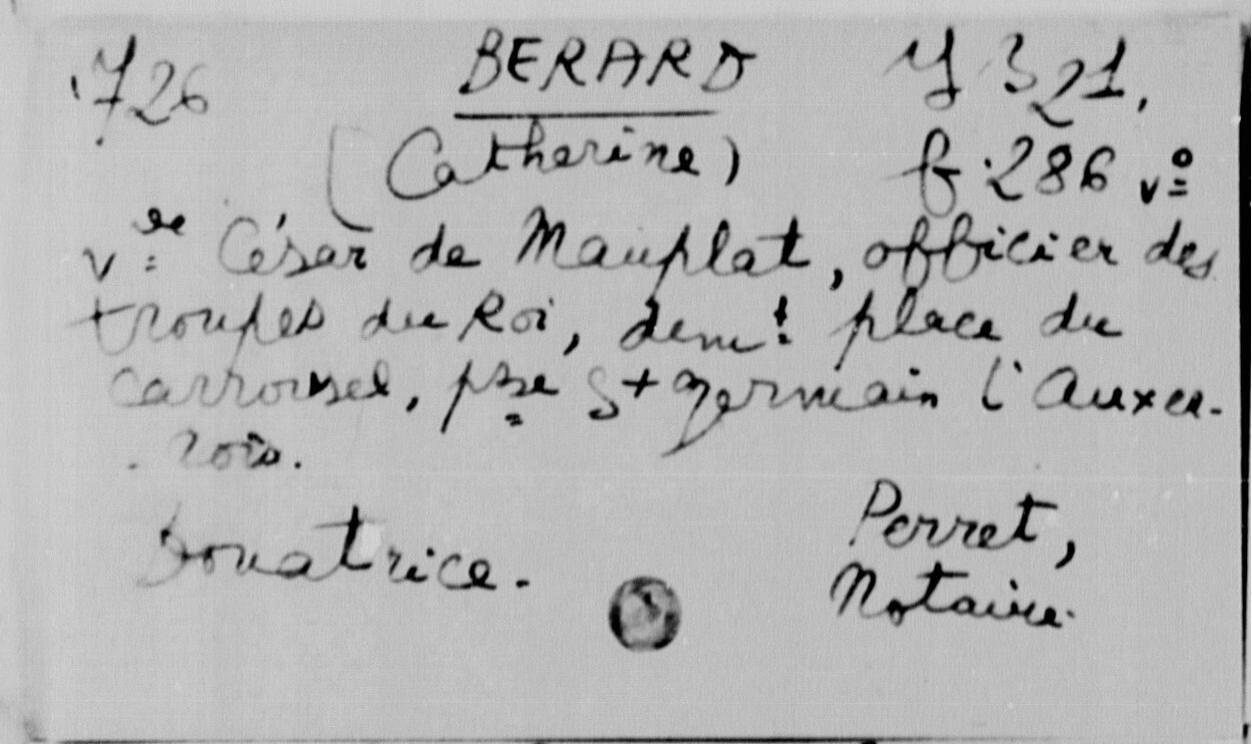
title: BERARD (Catherine)
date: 1726
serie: Y
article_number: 321
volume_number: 286v
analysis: Veuve César de Mauplat, officier des troupes du roi, demeurant place du Carrousel, paroisse Saint-Germain l'Auxerrois. Donatrice. Perret, notaire.
